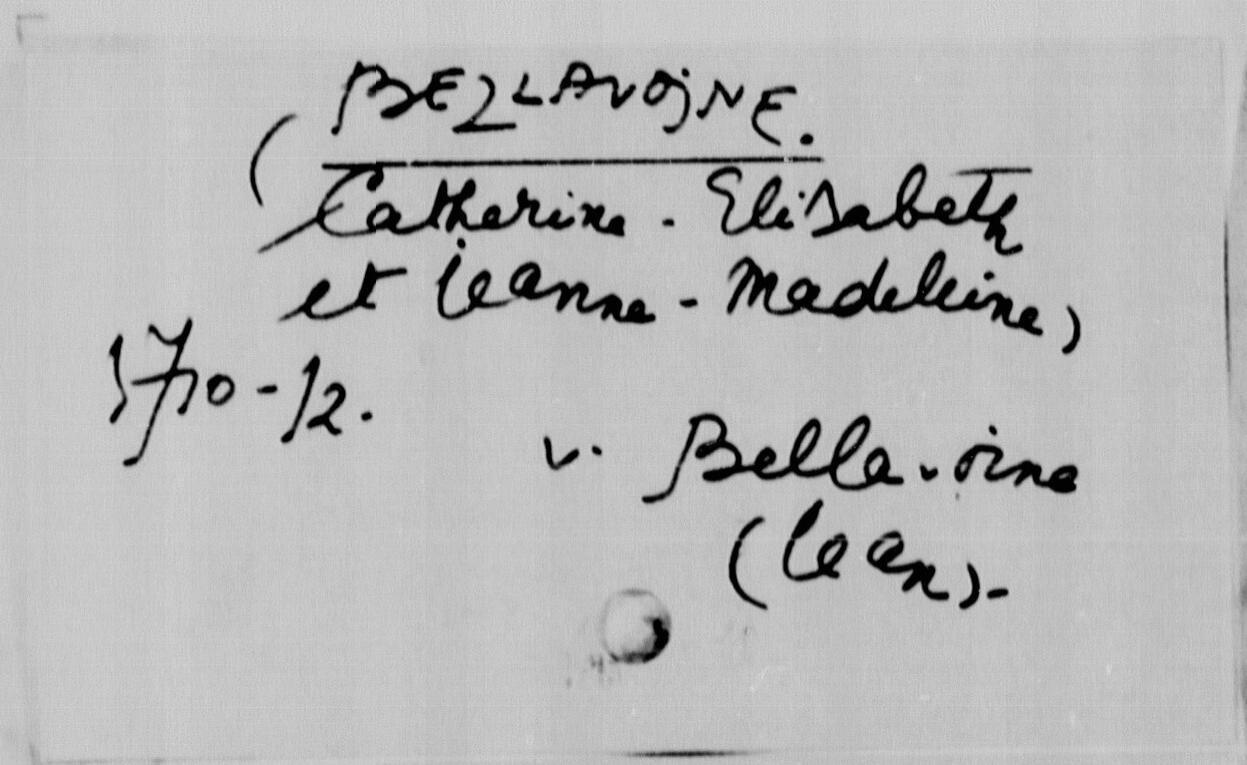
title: BELLAVOINE (Catherine-Elisabeth et Jeanne-Madeleine)
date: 1710-1712
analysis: Voir BELLAVOINE (Jean)
